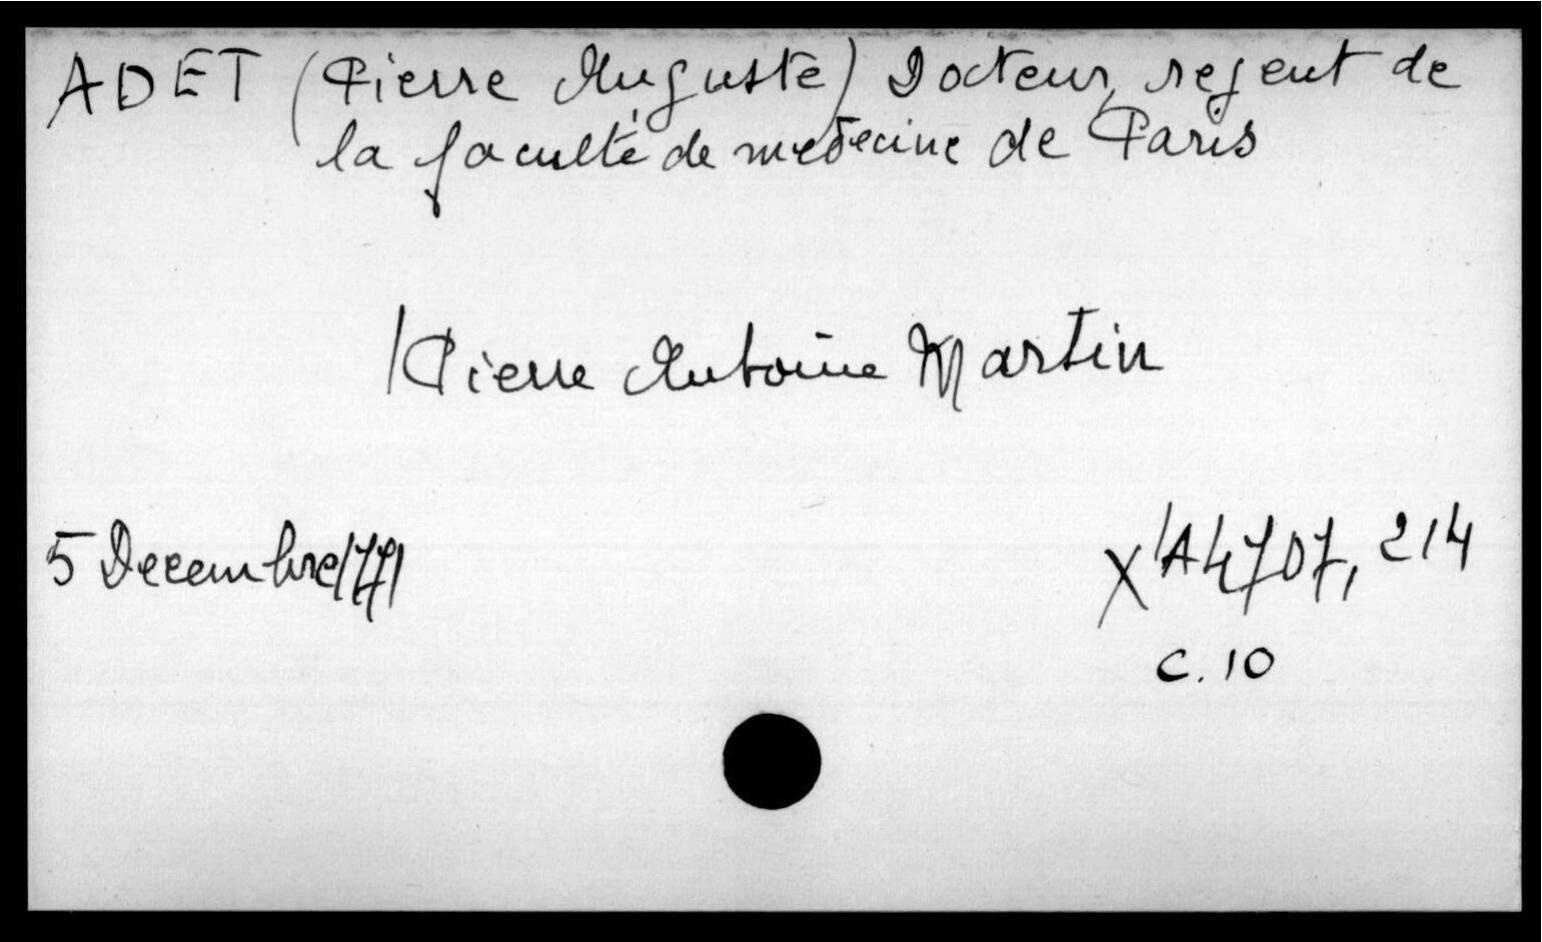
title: ADET (Pierre Auguste) Docteur régent de la faculté de médecine de Paris
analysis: Contre Pierre Antoine Martin
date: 5 décembre 1771
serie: X1A
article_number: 4707
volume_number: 214 Conseil, 10
